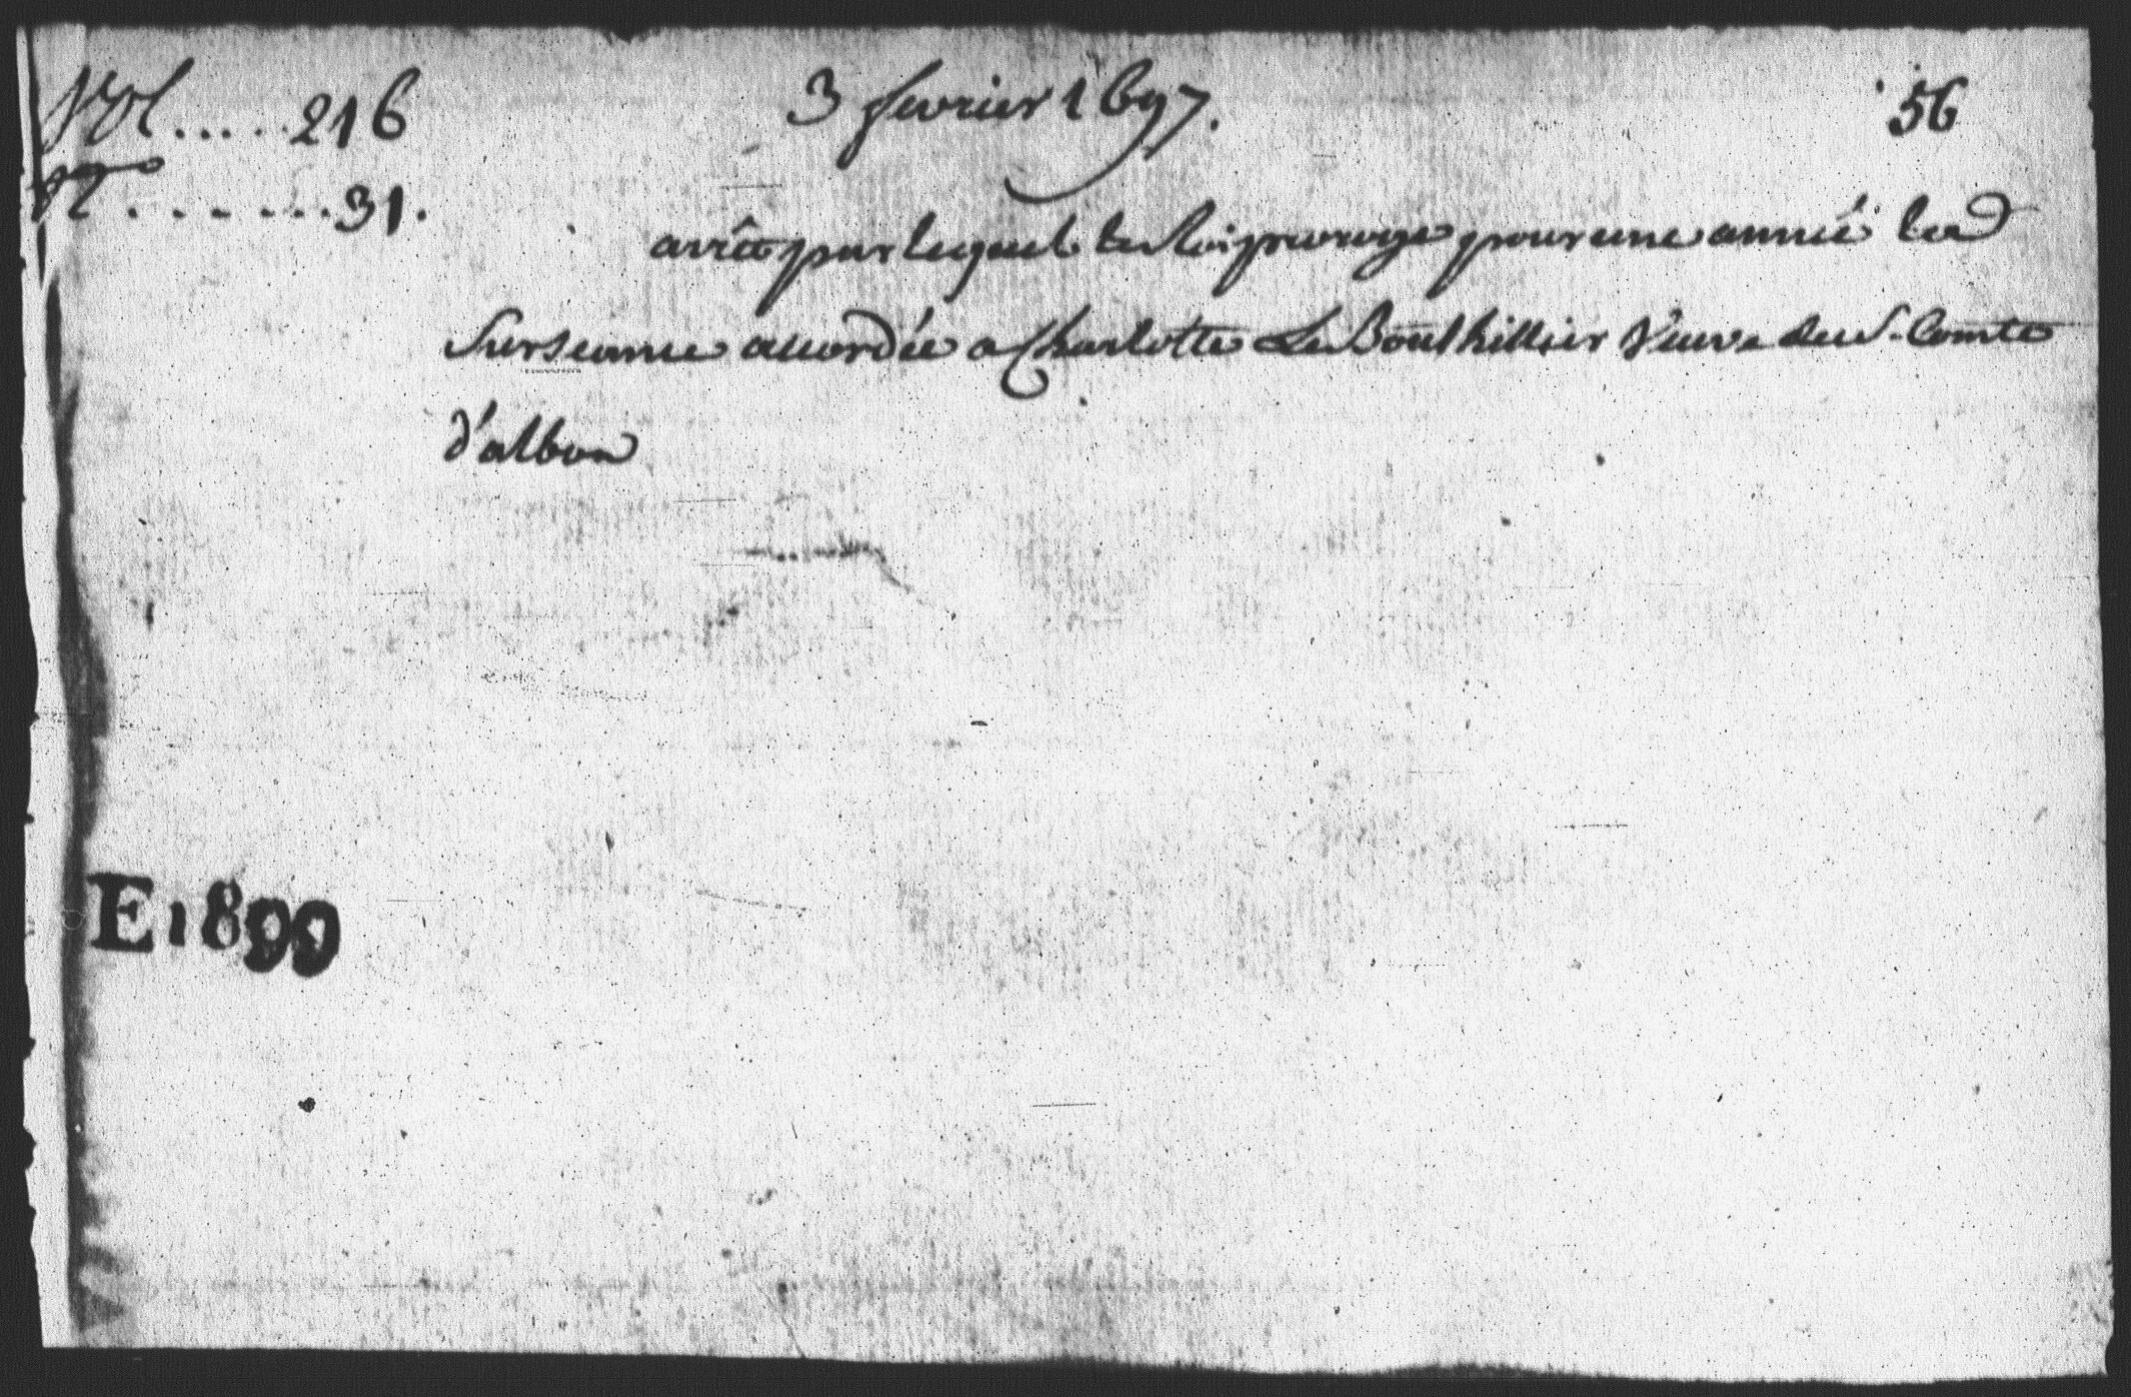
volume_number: n°31
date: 3 février 1697
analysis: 56
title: arrêt par lequel le Roi proroge pour une année la surseance accordée a Charlotte Le Bouthillier veuve du S. Comte d'Albon
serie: E
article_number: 1899
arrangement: vol. 216
